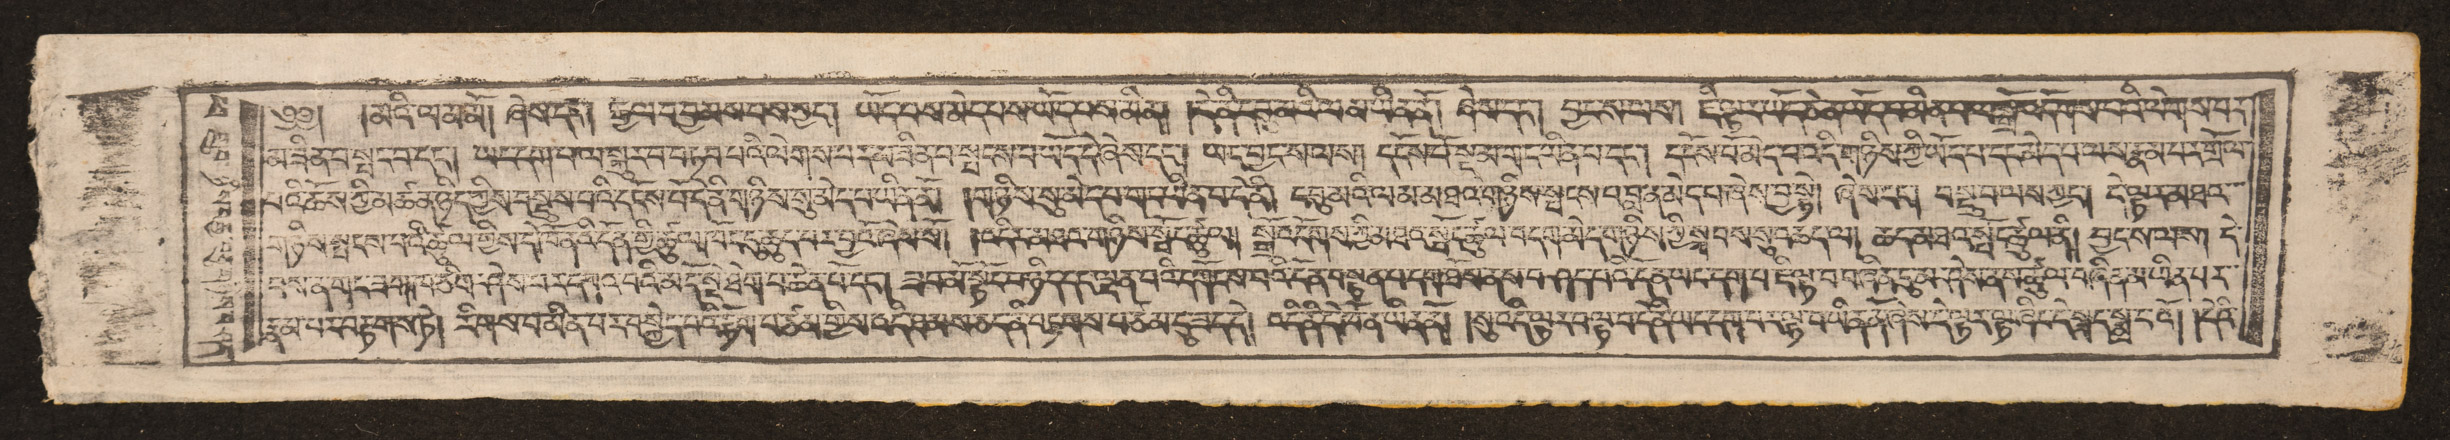༄༅། །མའི་ལམ་མོ། ཞེས་དང་། རྒྱལ་བ་བྱམས་པས་ཀྱང་། ཡོད་པས་མེད་པས་ཡོད་པས་མིན། །དེ་ནི་དབུ་མའི་ལམ་ཡིན་ནོ། ཞེས་དང་། བྱང་ས་ལས། ཇི་ལྟར་ཡོད་ཅེན་ཡོད་པ་མིན་པ་ལ་སྒྲོ་འདོགས་པའི་ལེགས་པར་
མ་ཟིན་པ་སྤང་བ་དང་། ཡང་དག་པ་ལ་སྐུར་བ་བཏབ་པའི་ལེགས་པར་མ་ཟིན་པ་སྤངས་པ་ཡོད་དེ་ཞེས་དང་། ཡང་བྱང་ས་ལས། དངོས་པོ་སྔ་མ་གང་ཡིན་པ་དང་། དངོས་པོ་མེད་པ་འདི་གཉིས་ཀྱི་ཡོད་པ་དང་མེད་པ་ལས་རྣམ་པར་གྲོལ་
པའི་ཆོས་ཀྱི་མཚན་ཉིད་ཀྱིས་བསྡུས་པའི་དངོས་པོ་དེ་ནི་གཉིས་སུ་མེད་པ་ཡིན་ནོ། །གཉིས་སུ་མེད་པ་གང་ཡིན་པ་དེ་ནི། དབུ་མའི་ལམ་མཐའ་གཉིས་སྤངས་པ་བླ་ན་མེད་པ་ཞེས་བྱ་སྟེ། ཞེས་དང་། བསྡུ་བ་ལས་ཀྱང་། དེ་ལྟར་མཐའ་
གཉིས་སྤངས་བའི་ཚུལ་གྱིས་དེ་ཁོ་ནའི་དོན་གྱི་ཚུལ་ཁོང་དུ་ཆུད་པར་བྱའོ་ཞེས་སོ། །འདིར་མཐའ་གཉིས་སྤོང་ཚུལ། སྒྲོ་འདོགས་ཀྱི་མཐའ་སྤོང་ཚུལ་བདག་མེད་གཉིས་ཀྱི་སྐབས་སུ་འཆད་ལ། ཆད་མཐའ་སྤོང་ཚུལ་ནི། བྱངས་ལས། དེ་
པས་ན་གང་ཟག་ཁ་ཅིག་ཤེས་བར་དཀའ་པའི་མདོ་སྡེ་ཐེག་བ་ཆེན་པོ་དང་། ཟབ་མོ་སྟོང་པ་ཉིད་དང་ལྡན་པའི་དགོངས་པའི་དོན་བསྟན་བདག་ཐོས་ནས་བཤད་པའི་དོན་ཡང་དག་པ་ཇི་ལྟ་བ་བཞིན་དུ་མ་ཤེས་ནས་ཚུལ་བཞིན་མ་ཡིན་པར་
རྣམ་པར་བརྟགས་ཏེ། རིགས་པ་མིན་པར་བསྐྱེད་པའི་རྟོག་པ་ཙམ་གྱིས་འདི་ཐམས་ཅད་ནི་བཏགས་པ་ཙམ་དུ་ཟད་དེ། འདི་ནི་དེ་ཁོ་ན་ཡིན་ནོ། །སུ་འདི་ལྟར་བལྟ་བ་དེ་ནི་ཡང་དག་པར་ལྟ་བ་ཡིན་ནོ་ཞེས་དེ་ལྟར་ལྟ་ཞིང་དེ་སྐད་སྨྲ་པའོ། །དེའི་